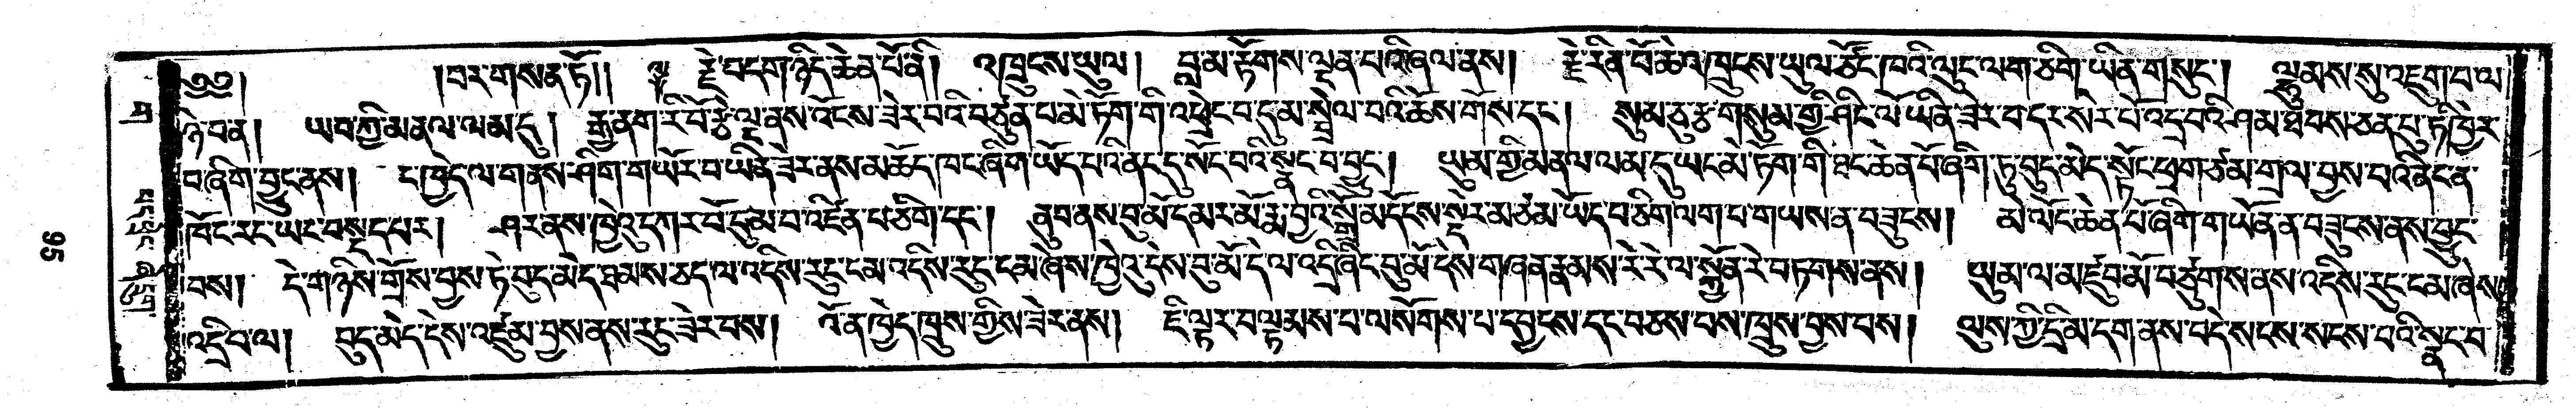༄༅། །བར་གསན་ཏོ།། ༈ རྗེ་བདག་ཉིད་ཆེན་པོ་ནི། འཁྲུངས་ཡུལ། བླ་མ་རྟོགས་ལྡན་པའི་ཞལ་ནས། རྗེ་རིན་པོ་ཆེ་འཁྲུངས་ཡུལ་ཙོང་ཁའི་ལུང་ལག་ཅིག་ཡིན་གསུང་། ལྷུམས་སུ་འཇུག་པ་ལ་
ཉེ་བ་ན། ཡབ་ཀྱི་མནལ་ལམ་དུ། རྒྱ་ནག་རི་བོ་རྩེ་ལྔ་ནས་འོངས་ཟེར་བའི་བཙུན་པ་མེ་ཏོག་གི་འཕྲེང་བ་དུ་མ་སྦྲེལ་བའི་ཆོས་གོས་དང་། སུམ་ཅུ་རྩ་གསུམ་གྱི་ཤིང་ལོ་ཡིན་ཟེར་བ་དར་སེར་པོ་འདྲ་བའི་ཤམ་ཐབས་ཅན་པུ་ཏི་ཁྱེར་
བ་ཞིག་བྱུང་ནས། ང་ཁྱེད་ལ་གནས་ཤིག་གཡོར་བ་ཡིན་ཟེར་ནས་མཆོད་ཁང་ཞིག་ཡོད་པའི་ནང་དུ་སོང་བའི་སྣང་བ་བྱུང་། ཡུམ་གྱི་མནལ་ལམ་དུ་ཡང་མེ་ཏོག་གི་ཐང་ཆེན་པོ་ཞིག་ཏུ་བུད་མེད་སྟོང་ཕྲག་ཙམ་གྲལ་བྱས་པའི་ནང་ན་
ཁོང་རང་ཡང་བསྡད་པར། ཤར་ནས་ཁྱེའུ་དཀར་པོ་དུམ་བ་འཛིན་པ་ཅིག་དང་། ནུབ་ནས་བུ་མོ་དམར་མོ་རྨ་བྱའི་སྒྲོ་མདོངས་སྡེར་མ་ཙམ་ཡོད་བ་ཅིག་ལག་པ་གཡས་ན་བཟུངས། མེ་ལོང་ཆེན་པོ་ཞིག་གཡོན་ན་བཟུངས་ནས་བྱུང་
བས། དེ་གཉིས་གྲོས་བྱས་ཏེ་བུད་མེད་ཐམས་ཅད་ལ་འདིས་རུང་ངམ་འདིས་རུང་ངམ་ཞེས་ཁྱེའུ་བུ་མོ་དེ་ལ་འདྲི་ཞིང་བུ་མོ་དེས་གཞན་རྣམས་རེ་རེ་ལ་སྐྱོན་རེ་བཏགས་ནས། ཡུམ་ལ་འཛུབ་མོ་བཙུགས་ནས་འདིས་རུང་ངམ་ཞེས་
འདྲི་བ་ལ། བུད་མེད་ངེས་འཛུམ་བྱས་ནས་རུང་ཟེར་བས། འོ་ན་ཁྱེད་ཁྲུས་གྱིས་ཟེར་ནས། ཇི་ལྟར་བལྟམས་པ་ལ་སོགས་པ་དབྱངས་དང་བཅས་པས་ཁྲུས་བྱས་པས། ལུས་ཀྱི་དྲི་མ་དག་ནས་བདེ་སངས་སངས་པའི་སྣང་བ་